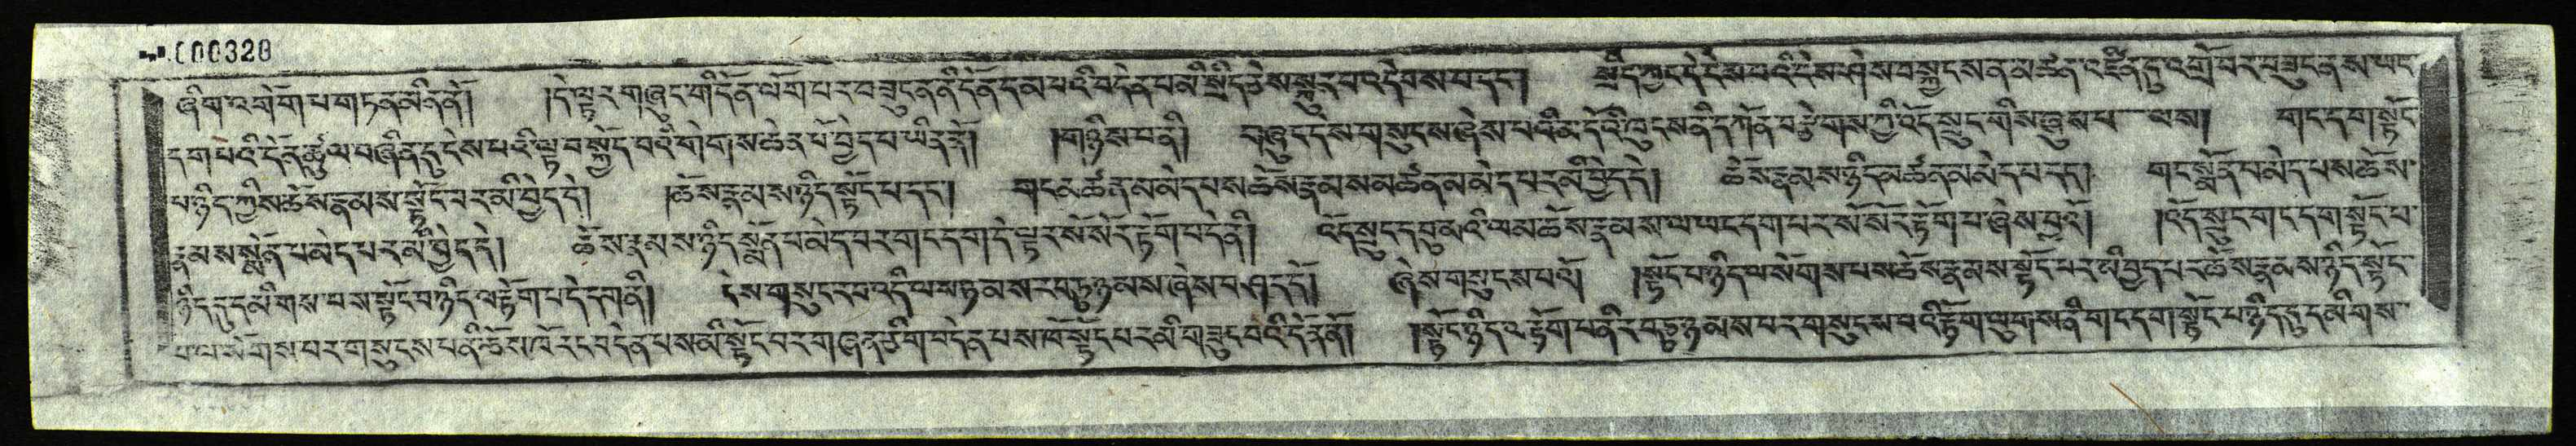ཞིག་འགོག་པ་གཏན་མིན་ནོ། །དེ་ལྟར་གཞུང་གི་དོན་ལོག་པར་བཟུང་ན་ནི་དོན་དམ་པའི་བདེན་པ་མི་སྲིད་ཅེས་སྐུར་པ་འདེབས་པ་དང་། སྲིད་ཀྱང་དེ་ངེས་པའི་ངེས་ཤེས་བསྐྱངས་ན་མཚན་འཛིན་དུ་འགྲོ་བར་བཟུང་ནས་ཡང་
དག་པོའི་དོན་ཚུལ་བཞིན་དུ་ངེས་པའི་ལྟ་བ་སྐྱོད་པའི་གེགས་ཆེན་པོ་བྱེད་པ་ཡིན་ནོ། །གཉིས་པ་ནི། གཞུང་དེས་གསུངས་ཞེས་པའི་མདོའི་ཁུངས་ནི་དཀོན་བརྩེགས་ཀྱི་འོད་སྲུང་གིས་ཞུས་པ་ལས། གང་དག་སྟོང་
པ་ཉིད་ཀྱིས་ཆོས་རྣམས་སྟོང་པར་མི་བྱེད་དེ། །ཆོས་རྣམས་ཉིད་སྟོང་པ་དང་། གང་མཚན་མ་མེད་པས་ཆོས་རྣམས་མཚན་མ་མེད་པར་མི་བྱེད་དེ། ཆོས་རྣམས་ཉིད་མཚན་མ་མེད་པ་དང་། གང་སྨོན་པ་མེད་པས་ཆོས་
རྣམས་སྨོན་པ་མེད་པར་མི་བྱེད་དེ། ཆོས་རྣམས་ཉིད་སྨོན་པ་མེད་པར་གང་དག་དེ་ལྟར་སོ་སོར་རྟོག་པ་དེ་ནི། འོད་སྲུང་དབུ་མའི་ལམ་ཆོས་རྣམས་ལ་ཡང་དག་པར་སོ་སོར་རྟོག་པ་ཞེས་བྱའོ། །འོད་སྲུང་གང་དག་སྟོང་པ་
ཉིད་དུ་དམིགས་པས་སྟོང་པ་ཉིད་ལ་རྟོག་པ་དེ་དག་ནི། དེས་གསུང་རབ་འདི་ལས་ཉམས་རབ་ཏུ་ཉམས་ཞེས་བཤད་དོ། ཞེས་གསུངས་པའོ། །སྟོང་པ་ཉིད་ལ་སོགས་པས་ཆོས་རྣམས་སྟོང་པར་མི་བྱད་པར་ཆོས་རྣམས་ཉིད་སྟོང་
པ་ལ་སོགས་པར་གསུངས་པ་ནི་ཆོས་ཁོ་རང་བདེན་པས་མི་སྟོང་བར་གཞན་ཅིག་བདེན་པས་ཁོ་སྟོང་པར་མི་གཟུང་བའི་དོན་ནོ། །སྟོང་ཉིད་ལ་རྟོག་པ་ནི་རབ་ཏུ་ཉམས་པར་གསུངས་པའི་རྟོག་ལུགས་ནི་གང་དག་སྟོང་པ་ཉིད་དུ་དམིགས་